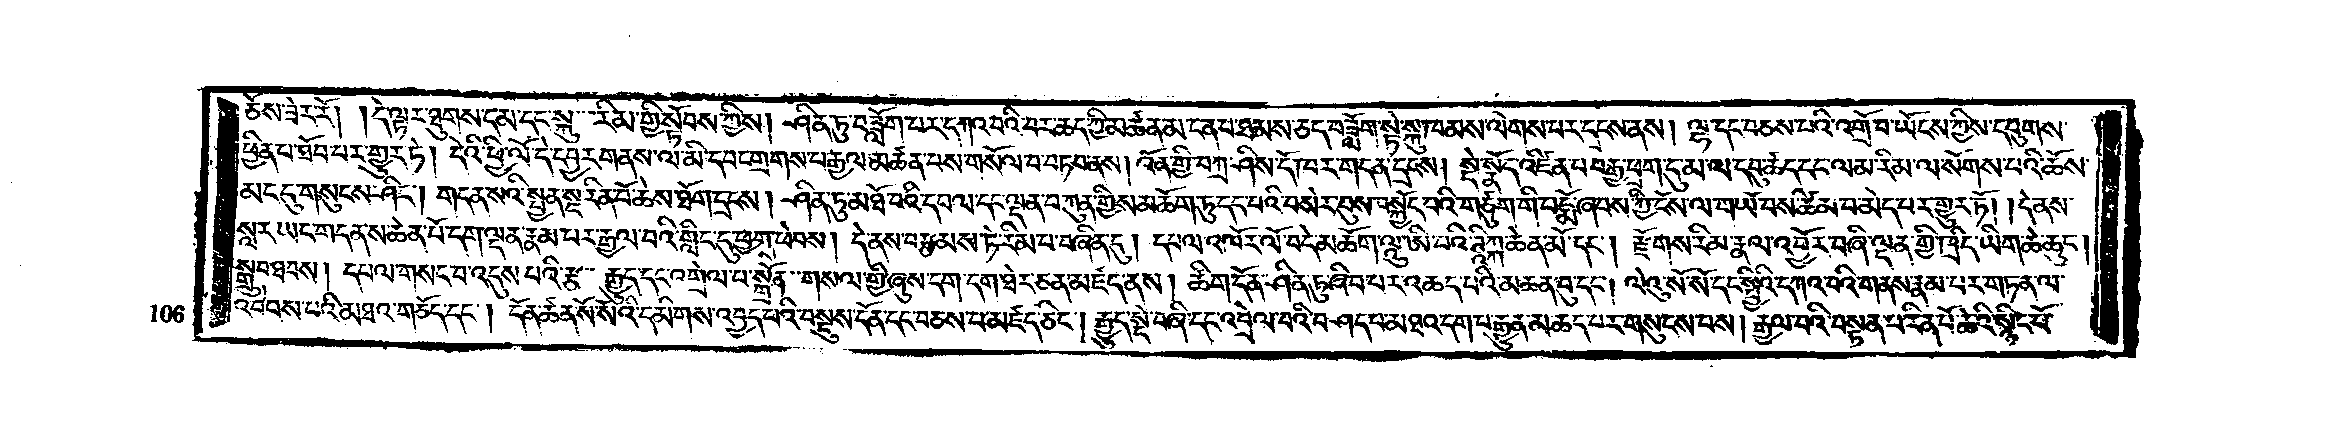ཅོས་ཟེར་རོ། །དེ་ལྟར་ཐུགས་དམ་དང་སྐུ་རིམ་གྱི་སྟོབས་ཀྱིས། ཤིན་ཏུ་བཟློག་པར་དཀའ་བའི་བར་ཆད་ཀྱི་མཚན་མ་ངན་པ་ཐམས་ཅད་བཟློག་སྟེ་སྐུ་ཁམས་ལེགས་པར་དྲངས་ནས། ལྷ་དང་བཅས་པའི་འགྲོ་བ་ཡོངས་ཀྱིས་དབུགས་
ཕྱིན་པ་ཐོབ་པར་གྱུར་ཏེ། དེའི་ཕྱི་ལོ་དེ་དབྱར་གནས་ལ་མི་དབང་གྲགས་པ་རྒྱལ་མཚན་པས་གསོལ་བ་བཏབ་ནས། འོན་གྱི་བཀྲ་ཤིས་དོ་ཁར་གདན་དྲངས། སྡེ་སྣོད་འཛིན་པ་བརྒྱ་ཕྲག་དུ་མ་ལ་དབུ་ཚད་དང་ལམ་རིམ་ལ་སོགས་པའི་ཆོས་
མང་དུ་གསུངས་ཤིང་། གདན་སའི་སྤྱན་སྔ་རིན་པོ་ཆེས་ཐོག་དྲངས། ཤིན་ཏུ་མཐོ་བའི་དཔལ་དང་ལྡན་པ་ཀུན་གྱིས་མཆོག་ཏུ་དང་པའི་བསེར་བུས་བསྐྱོད་བའི་གཙུག་གི་པདམོ་ཞབས་ཀྱི་ངོས་ལ་གཡོ་བས་ཚིམ་པ་མེད་པར་གྱུར་ཏོ། །དེ་ནས་
སླར་ཡང་གདན་ས་ཆེན་པོ་དག་ལྡན་རྣམ་པར་རྒྱལ་བའི་གླིང་དུ་ཕྱགས་ཕེབས། དེ་ནས་བརྩམས་ཏེ་རིམ་པ་བཞིན་དུ། དཔལ་འཁོར་ལོ་བདེ་མཆོག་ལཱུ་ཨི་པའི་ཊཱིཀྐ་ཆེན་མོ་དང་། རྫོགས་རིམ་རྣལ་འབྱོར་བཞི་ལྡན་གྱི་ཁྲིད་ཡིག་ཆེ་ཆུང་།
སྒྲུབ་ཐབས། དཔལ་གསང་བ་འདུས་པའི་རྩ་རྒྱུད་དང་འགྲེལ་པ་སྒྲོན་གསལ་གྱི་ཞུས་དག་དག་ཐེར་ཅན་མཛད་ནས། ཚིག་དོན་ཤིན་ཏུ་ཞིབ་པར་འཆད་པའི་མཆན་བུ་དང་། ལེའུ་སོ་སོ་དང་སྤྱིའི་དཀའ་བའི་གནས་རྣམ་པར་གཏན་ལ་
འབེབས་པའི་མཐའ་གཅོད་དང་། དོན་ཚན་སོ་སོའི་དམིགས་འབྱད་པའི་བསྡུས་དོན་དང་བཅས་པ་མཛད་ཅིང་། རྒྱུད་སྡེ་བཞི་དང་འབྲེལ་བའི་བཤད་པ་མཐའ་དག་པ་རྒྱུན་མཆད་པར་གསུངས་པས། རྒྱལ་བའི་བསྟན་པ་རིན་པོ་ཆེའི་སྙིང་པོ་